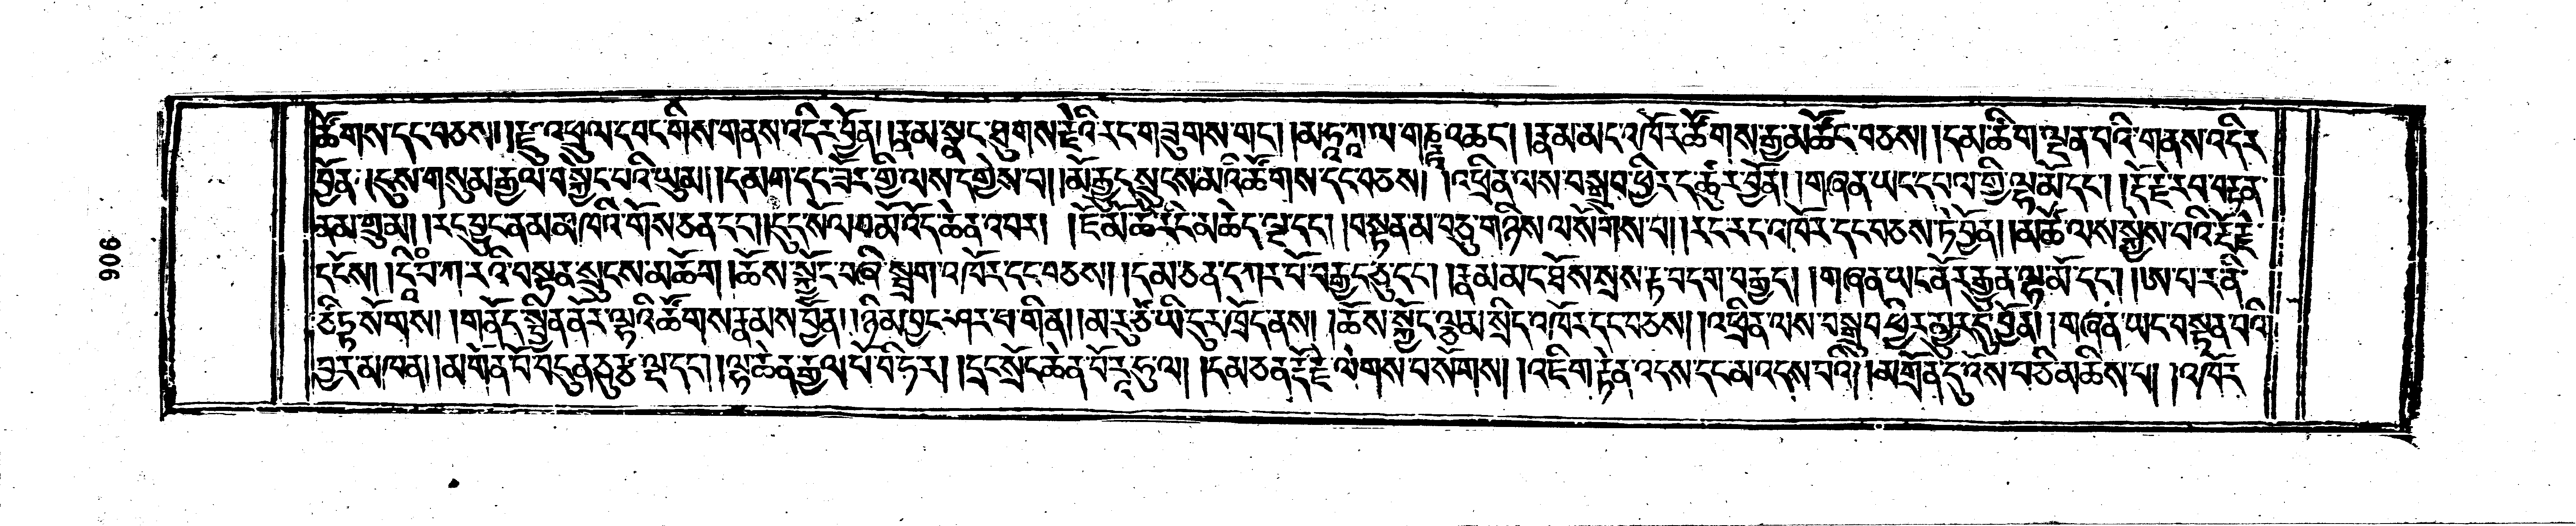ཚོགས་དང་བཅས། །རྫུ་འཕྲུལ་དབང་ཀྱིས་གནས་འདིར་བྱོན། །རྣམ་སྣང་ཐུགས་རྗེའི་རང་གཟུགས་གང་། །མཧཱ་ཀཱ་ལ་གཎྜཱ་འཆང་། །རྣམ་མང་འཁོར་ཚོགས་རྒྱ་མཚོར་བཅས། །དམ་ཚིག་ལྡན་པའི་གནས་འདིར་
བྱོན། །དུས་གསུམ་རྒྱལ་བ་སྐྱེད་པའི་ཡུམ། །དམག་དང་ཟོར་གྱི་ལས་དགྱེས་པ། །མོ་རྒྱུད་སྲུངས་མའི་ཚོགས་དང་བཅས། །འཕྲིན་ལས་བསྒྲུབ་ཕྱིར་ད་ཚུར་བྱོན། །གཞན་ཡང་དཔལ་གྱི་ལྷ་མོ་དང་། །རྡོ་རྗེ་རབ་བརྟན་
ནམ་གྲུ་མ། །རང་བྱུང་ནམ་མཁའི་གོས་ཅན་དང་། །དུད་སོལ་བ་མོ་འོད་ཆེན་འབར། །ཇོ་མོ་ཚེ་རིང་མཆེད་ལྔ་དང་། །བསྟན་མ་བཅུ་གཉིས་ལ་སོགས་པ། །རང་རང་འཁོར་དང་བཅས་ཏེ་བྱོན། །མཚོ་ལས་སྐྱེས་པའི་རྡོ་རྗེ་
དངོས། །དཱི་པཾ་ཀ་རའི་བསྟན་སྲུངས་མཆོག །ཆོས་སྐྱོང་བཞི་སྦྲག་འཁོར་དང་བཅས། །དམ་ཅན་དཀར་པོ་བརྒྱད་ཅུ་དང་། །རྣམ་མང་ཐོས་སྲས་རྟ་བདག་བརྒྱད། །གཞན་ཡང་ནོར་རྒྱུན་ལྷ་མོ་དང་། །ཨ་པ་ར་ནི་
ཙིཏྟ་སོགས། །གནོད་སྦྱིན་ནོར་ལྷའི་ཚོགས་རྣམས་བྱོན། །ཉི་མ་བྱང་ཤར་ཕ་གི་ན། །མ་རུ་ཙེ་ཡི་དུར་ཁྲོད་ནས། །ཆོས་སྐྱོང་ལྕམ་སྲིང་འཁོར་དང་བཅས། །འཕྲིན་ལས་བསྒྲུབ་ཕྱིར་མྱུར་དུ་བྱོན། །གཞན་ཡང་བསྟན་པའི་
བྱ་ར་མཁན། །མགོན་པོ་བདུན་ཅུ་རྩ་ལྔ་དང་། །ལྷ་ཆེན་རྒྱལ་པོ་བི་ཧ་ར། །དྲང་སྲོང་ཆེན་པོ་རཱ་ཧུ་ལ། །དམ་ཅན་རྡོ་རྗེ་ལེགས་པ་སོགས། །འཇིག་རྟེན་འདས་དང་མ་འདས་པའི། །མགྲོན་དུ་འོས་པ་ཅི་མཆིས་པ། །འཁོར་